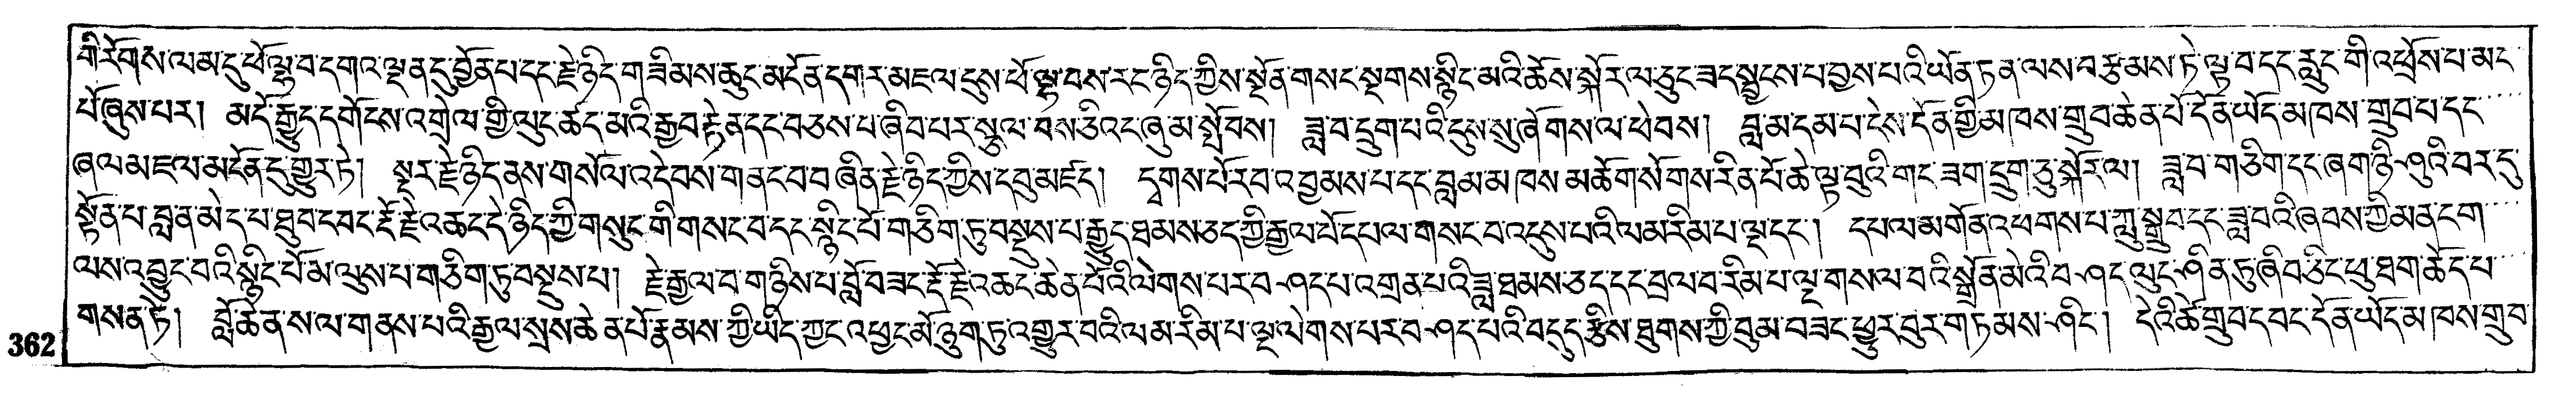གི་རོགས་ལམ་དུ་ཕོ་ལྷ་བ་དགའ་ལྡན་དུ་བྱོན་པ་དང་རྗེ་ཉིད་གཟིམས་ཆུང་མངོན་དགར་མཇལ་དུས་ཕོ་ལྷ་བས་རང་ཉིད་ཀྱིས་སྔོན་གསང་སྔགས་རྙིང་མའི་ཆོས་སྐོར་ལ་ཅུང་ཟད་སྦྱངས་པ་བྱས་པའི་ཡོན་ཏན་ལས་པ་རྩམས་ཏེ་ལྟ་བ་དང་རླུང་གི་འཕྲོས་པ་མང་
པོ་ཞུས་པར། མདོ་རྒྱུད་དགོངས་འགྲེལ་གྱི་ལུང་ཚད་མའི་རྒྱབ་རྟེན་དང་བཅས་པ་ཞིབ་པར་སྩལ་བས་ཅིའང་ཞུ་མ་སྤོབས། ཟླ་བ་དྲུག་པའི་དུས་སུ་ཞོགས་ལ་ཕེབས། བླ་མ་དམ་པ་ངེས་དོན་གྱི་མཁས་གྲུབ་ཆེན་པོ་དོན་ཡོད་མཁས་གྲུབ་པ་དང་
ཞལ་མཇལ་མངོན་དུ་གྱུར་ཏེ། སྔར་རྗེ་ཉིད་ནས་གསོལ་འདེབས་གནང་བ་བཞིན་རྗེ་ཉིད་ཀྱིས་དབུ་མཛད། དྭགས་པོ་རབ་འབྱམས་པ་དང་བླ་མ་མཁས་མཆོག་སོགས་རིན་པོ་ཆེ་ལྟ་བུའི་གང་ཟག་དྲུག་ཅུ་སྐོར་ལ། ཟླ་བ་གཅིག་དང་ཞག་ཉི་ཤུའི་བར་དུ་
སྟོན་པ་བླ་ན་མེད་པ་ཐུབ་དབང་རྡོ་རྗེ་འཆང་དེ་ཉིད་ཀྱི་གསུང་གི་གསང་བ་དང་སྙིང་པོ་གཅིག་ཏུ་བསྡུས་པ་རྒྱུད་ཐམས་ཅད་ཀྱི་རྒྱལ་པོ་དཔལ་གསང་བ་འདུས་པའི་ལམ་རིམ་པ་ལྔ་དང་། དཔལ་མགོན་འཕགས་པ་ཀླུ་སྒྲུབ་དང་ཟླ་བའི་ཞབས་ཀྱི་མན་ངག་
ལས་འབྱུང་བའི་སྙིང་པོ་མ་ལུས་པ་གཅིག་ཏུ་བསྡུས་པ། རྗེ་རྒྱལ་བ་གཉིས་པ་བློ་བཟང་རྡོ་རྗེའི་ཆང་ཆེན་པོའི་ལེགས་པར་བཤད་པ་འགྲན་པའི་ཟླ་ཐམས་ཅད་དང་བྲལ་བ་རིམ་པ་ལྔ་གསལ་བའི་སྒྲོན་མེའི་བཤད་ལུང་ཤིན་ཏུ་ཞིབ་ཅིང་ཕུ་ཐོག་ཆོད་པ་
གསན་ཏེ། བློ་ཆེན་ས་ལ་གནས་པའི་རྒྱལ་སྲས་ཆེན་པོ་རྣམས་ཀྱི་ཡིད་ཀྱང་འཕྱང་མོ་ཉུག་ཏུ་འགྱུར་བའི་ལམ་རིམ་པ་ལྔ་ལེགས་པར་བཤད་པའི་བདུད་རྩིས་ཐུགས་ཀྱི་བུམ་བཟང་ཕྱུར་བུར་གཏམས་ཤིང་། དེའི་ཚེ་གྲུབ་དབང་དོན་ཡོད་མཁས་གྲུབ་